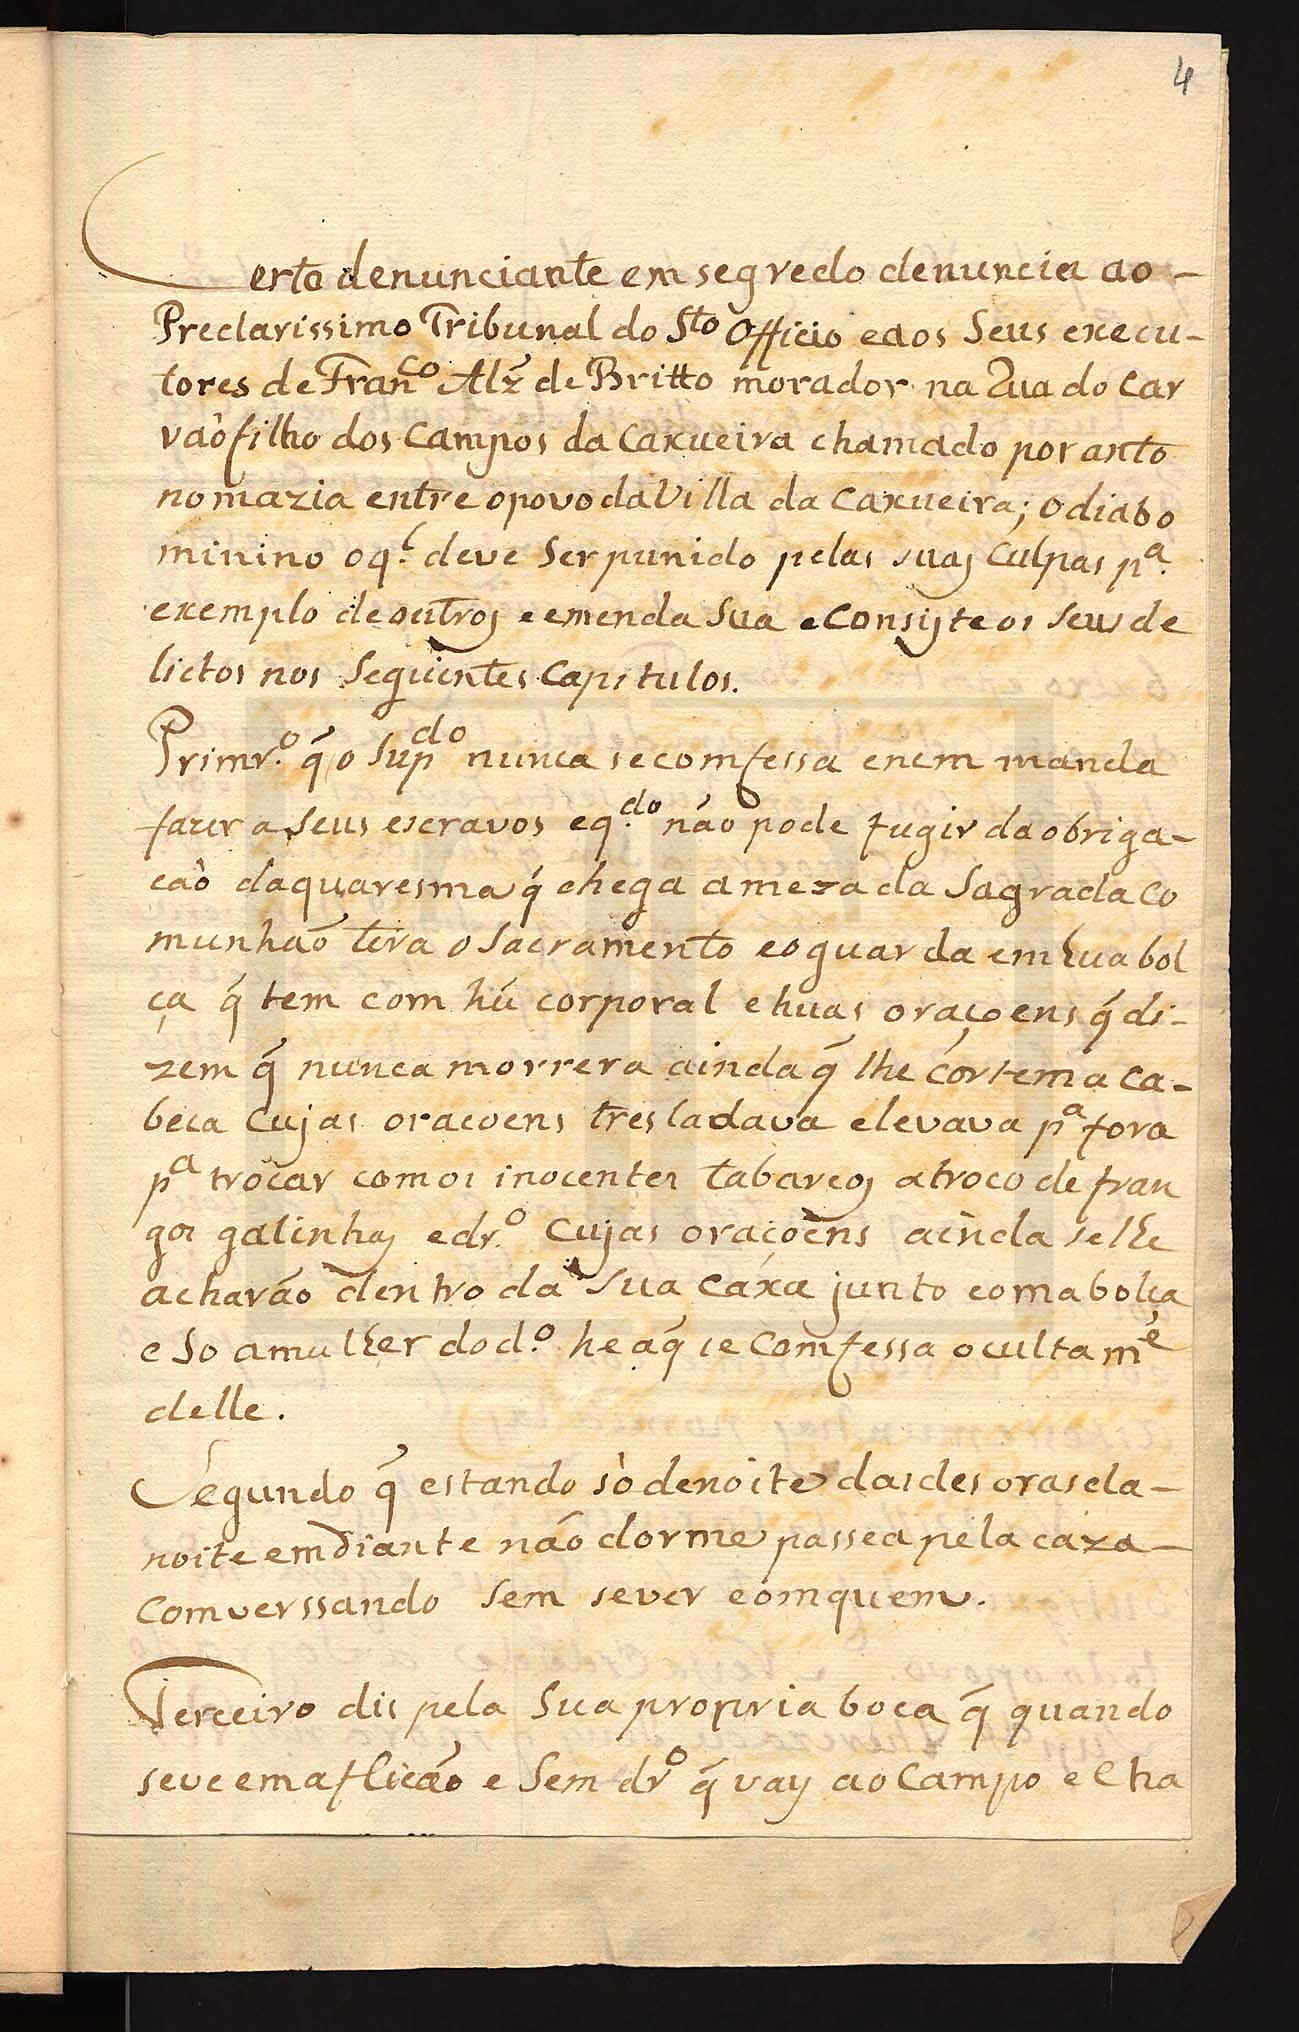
Certo denunciante em segredo denuncia ao
Preclarissimo Tribunal do S.to officio e aos seus execu
tores de Franco Alz̄ de Britto morador na Rua do car
vão filho dos campos da caxueira chamado por anto
nomazia entre o povo da villa da caxueira; o diabo
minino o q̄ deve ser punido pelas suas culpas p.a
exemplo de outros e emenda sua e consiste os seus de
lictos nos seguintes capitulos.
Primr.o q̄ o sup.do nunca se comfessa, e nem manda
fazer a seus escravos e q.do não pode fugir da obriga
çaõ da quaresma q̄ chega a meza da sagrada co
munhaõ tira o sacramento e o guarda em hua bol
ça q̄ tem com hū corporal e huas oraçoens q̄ di
zem q̄ nunca morrera ainda q̄ lhe cortem a ca
beça Cujas oraçoens tresladava e levava p.a fora
pa trocar com os inocentes tabareos a troco de fran
gos galinhas e dr.o cujas oraçoens ainda se lhe
acharão dentro da sua caxa junto com a bolça,
e so a mulher do d.o he a q̄ se comfessa ocultam.e
delle.
Segundo q̄ estando só de noite das des oras da
noite em diante naõ dorme passea pela caza
comverssando sem se ver com quem.
Terceiro dis pela sua propria boca q̄ quando
se ve em afliçaõ, e sem dr.o q̄ vay ao campo e cha
